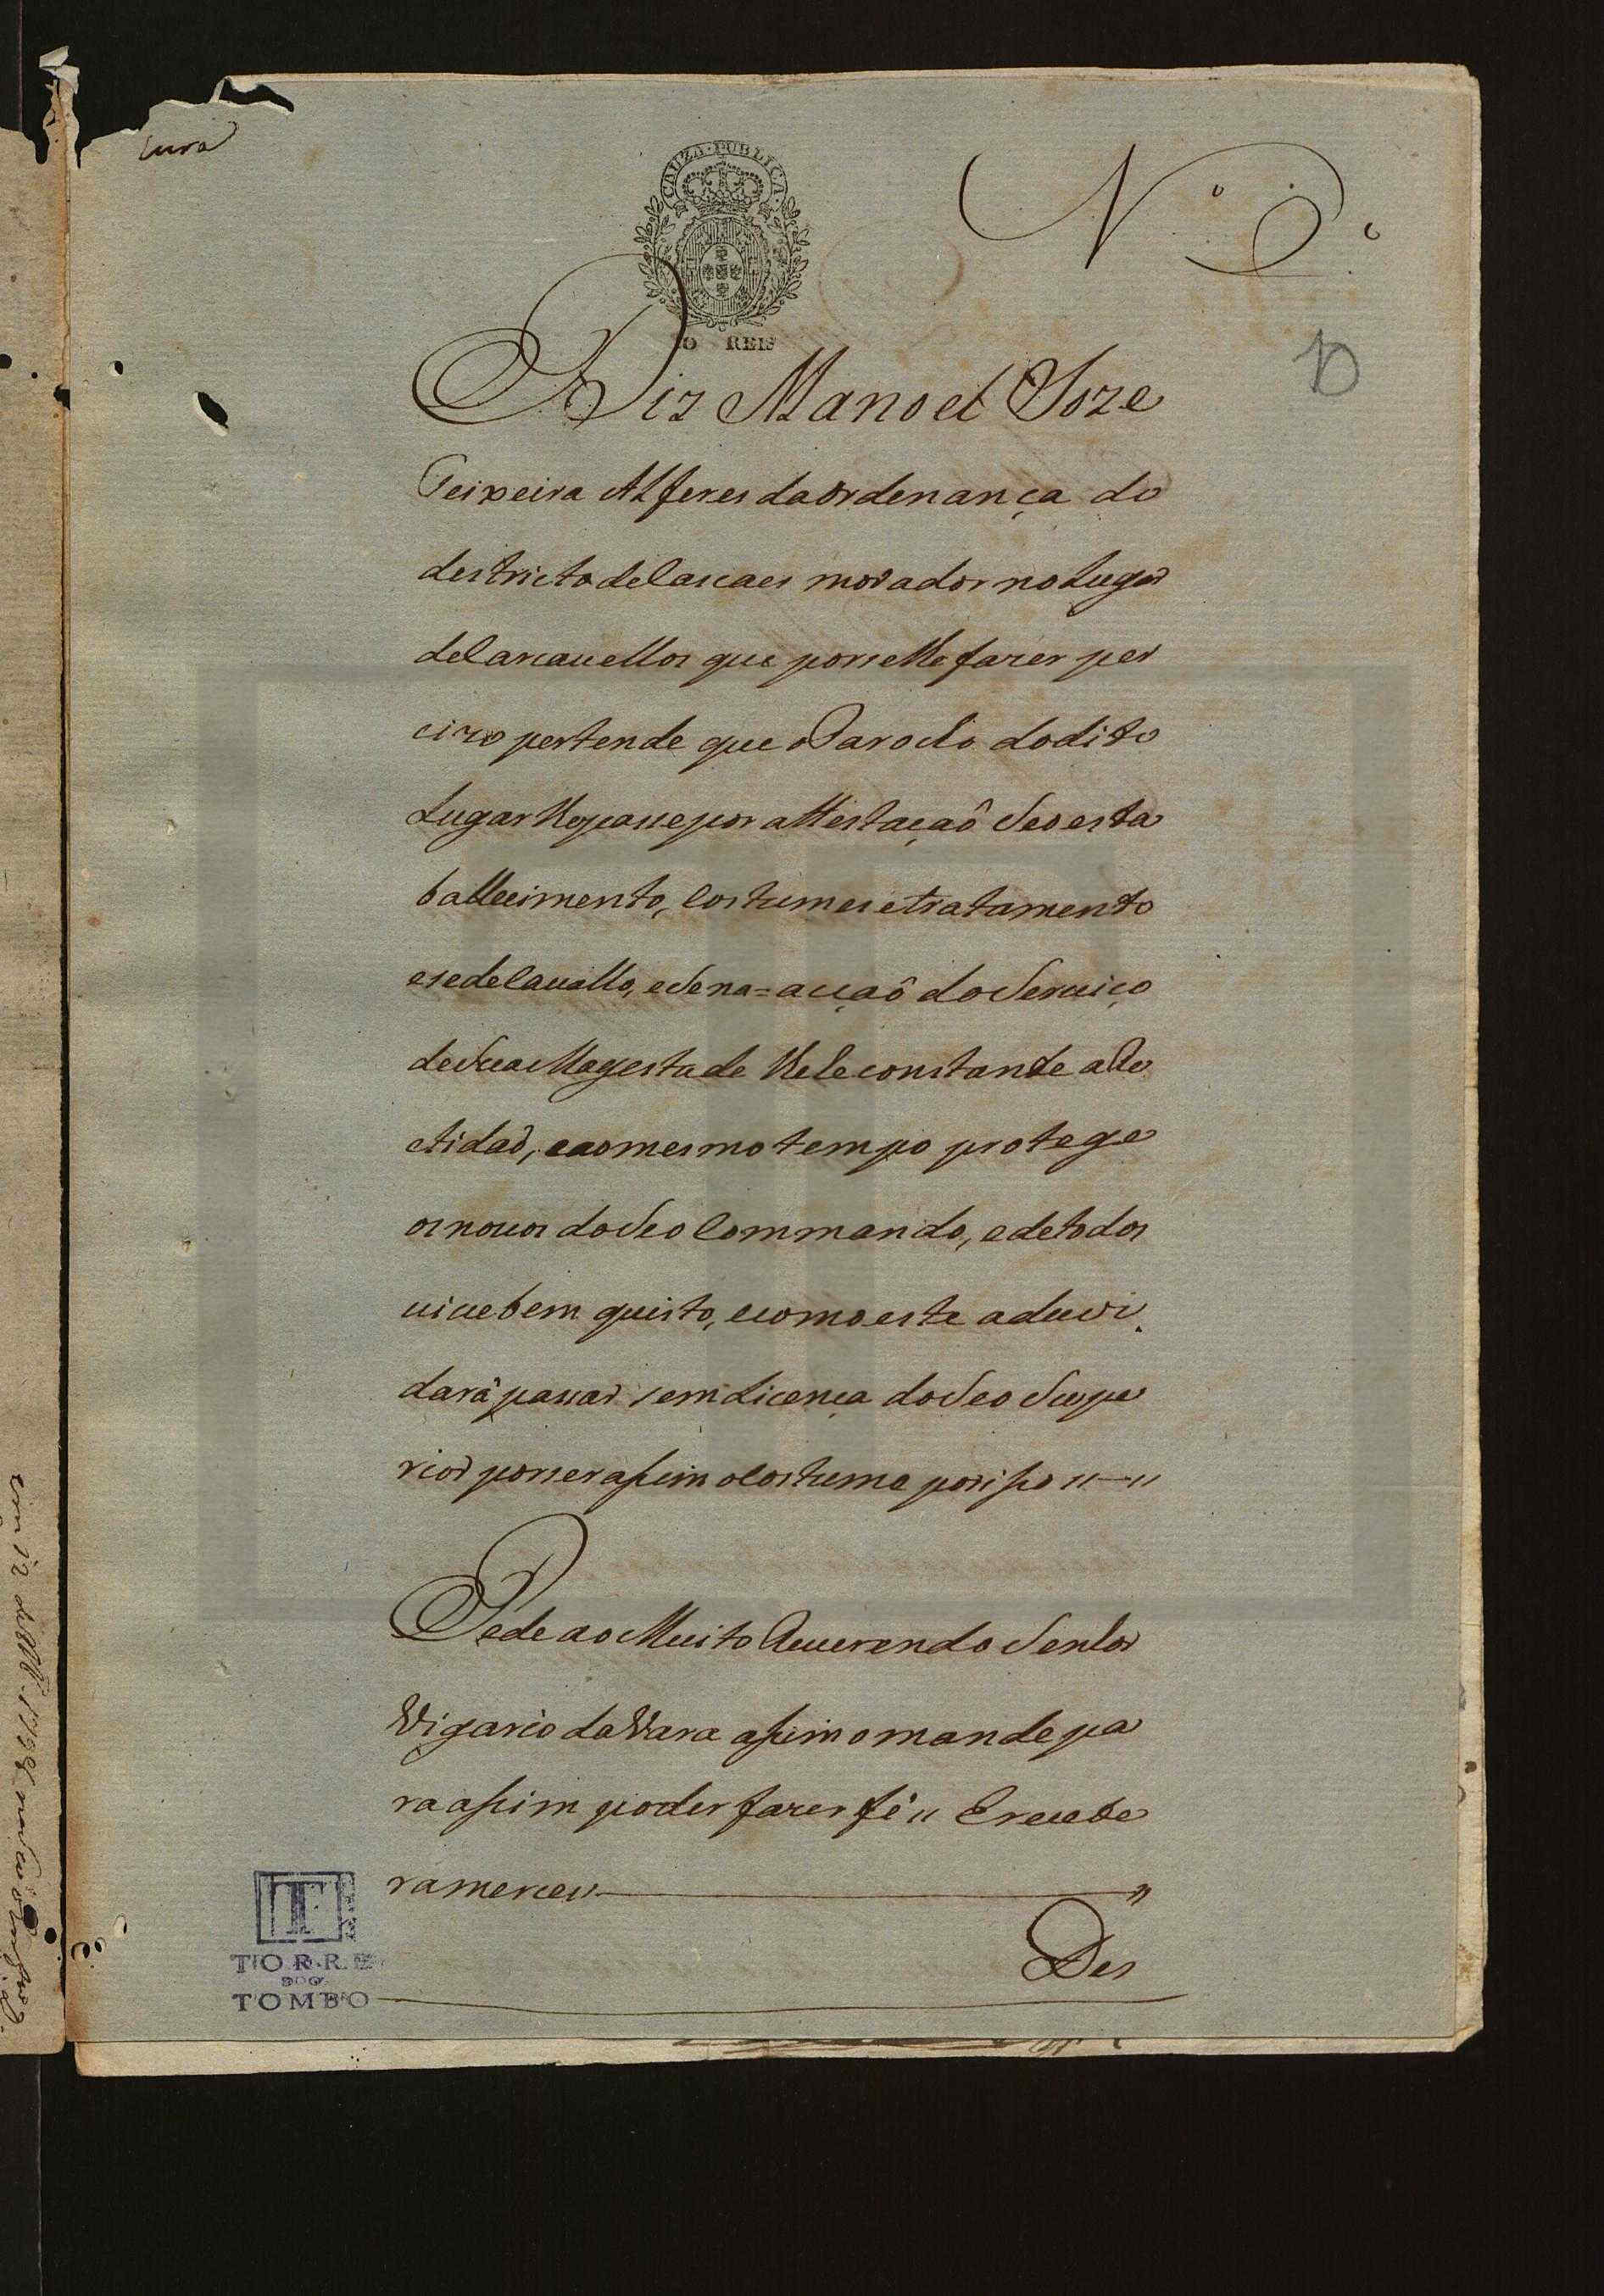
Cura
Diz Manoel Ioze
Teixeira Alferes da ordenança do
destricto de Cascaes morador no Lugar
de Carcauellos que por se lhe fazer per
cizo pertende que o Parocho do dito
Lugar lhes passe por attestaçaõ seo esta
ballecimento, costumes e tratamento
e se de cauallo, e se na = acçaõ do Seruiço
de sua Magestade lhe he constante a Re
ctidaõ, e ao mesmo tempo protege
os nouos do Seo commando, e de todos
uiue bem quisto, e como este a duvi
dará passar sem Licença do seo supe
rior por ser assim o costume por isso //-//
Pede ao Muito Reuerendo Senhor
Vigario da Vara assim o mande pa
ra assim poder fazer fé // E recebe
ra merce //
Des
